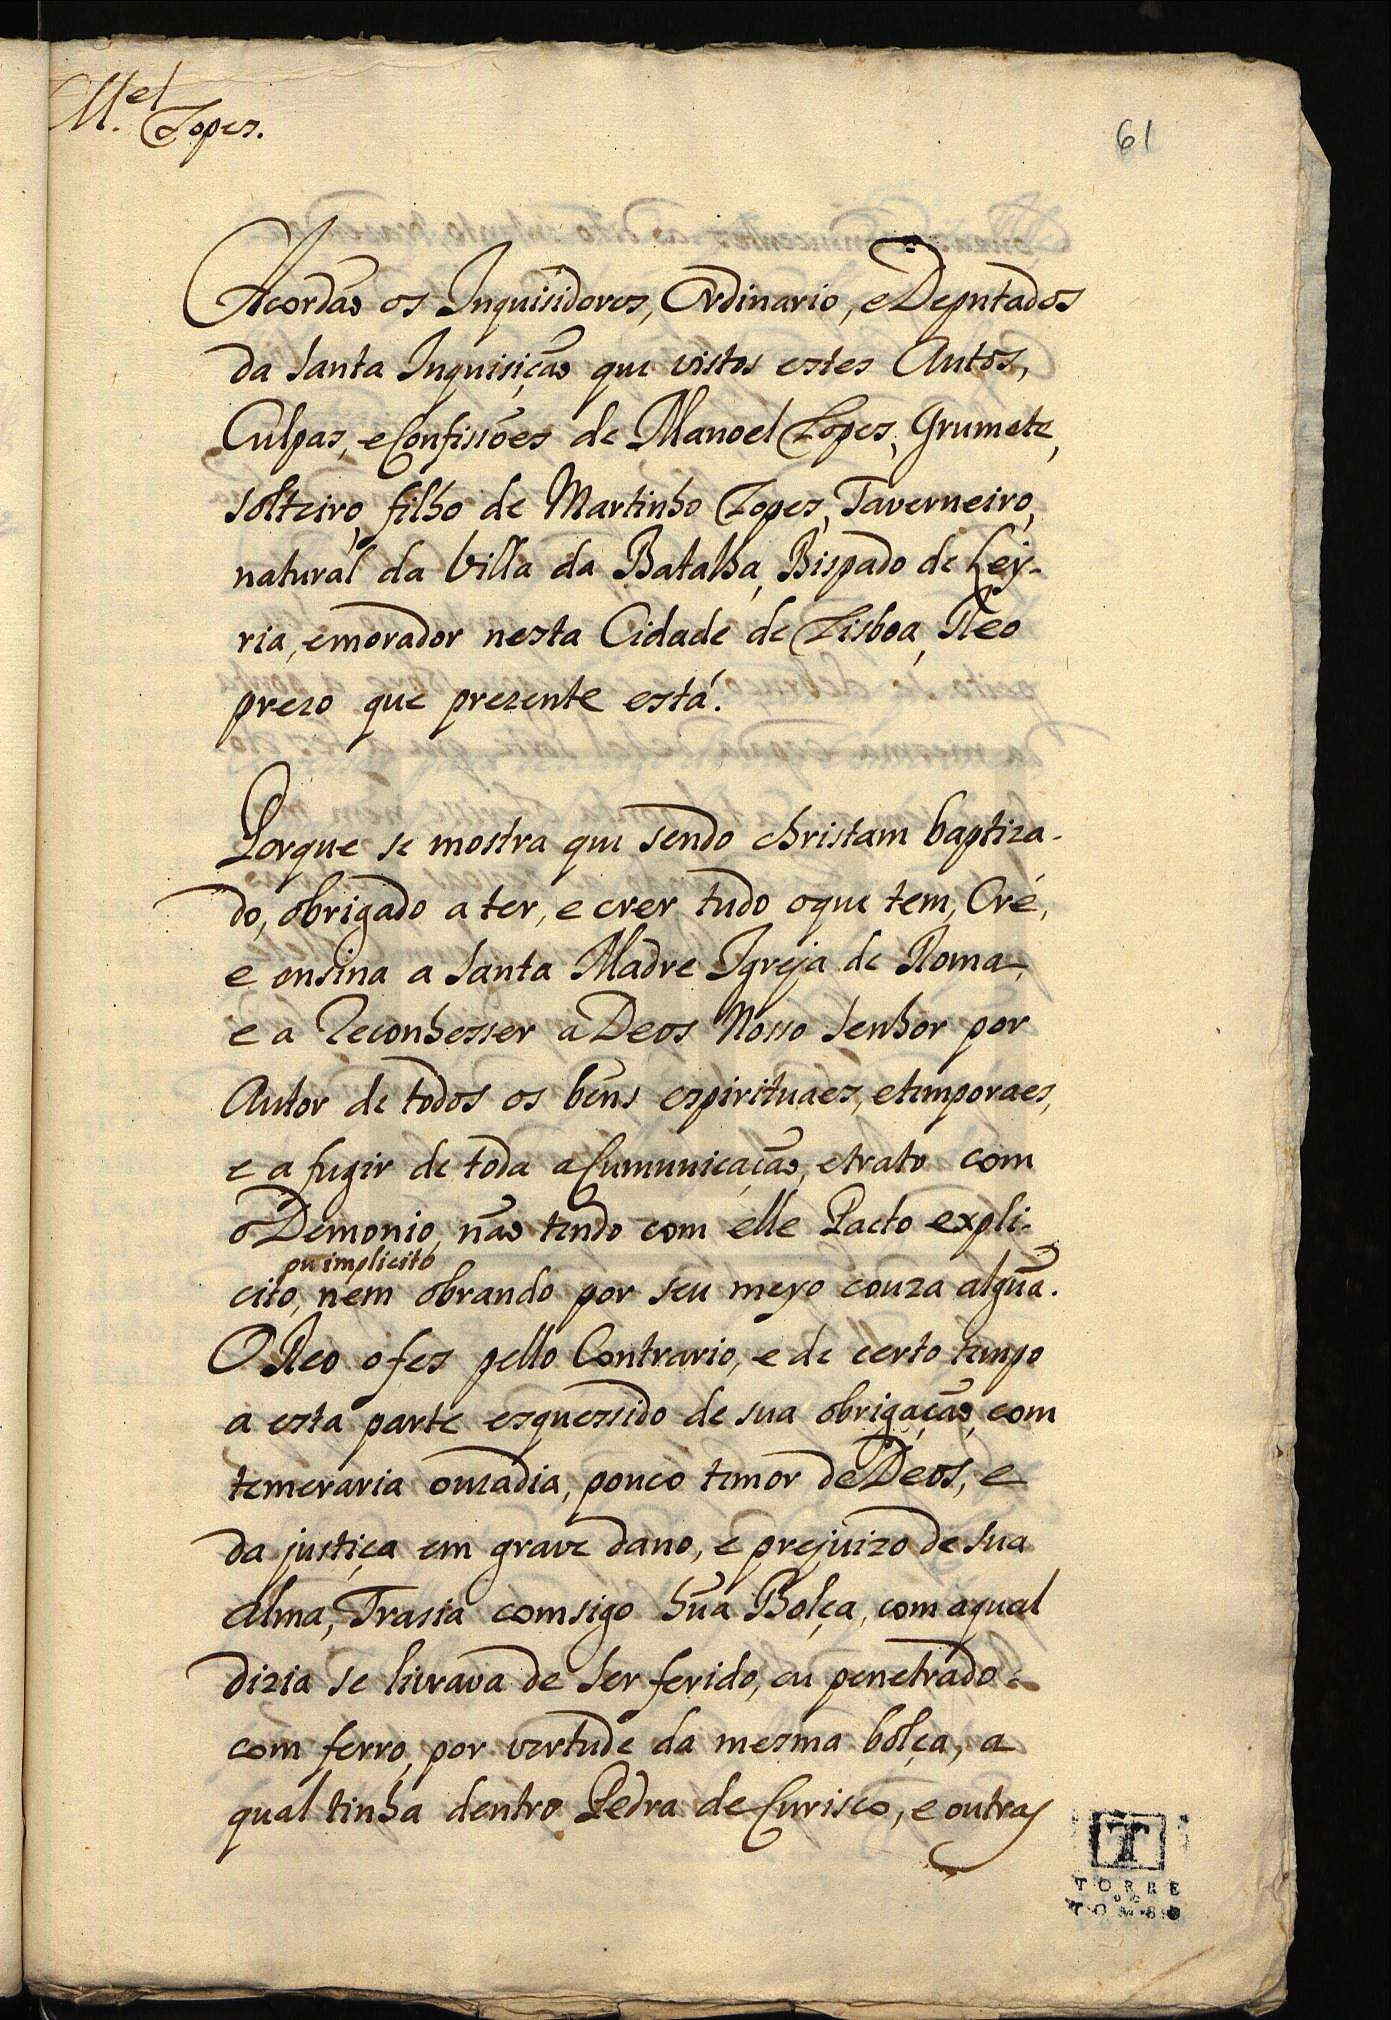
M.el Lopes.
Acordaõ os Inquisidores, Ordinario, e Deputados
da Santa Inquisição que vistos estes Autos,
Culpas, e Confissões de Manoel Lopes, Grumete,
solteiro, filho de Martinho Lopes, Taverneiro,
natural da Villa da Batalha, Bispado de Ley
ria, e morador nesta Cidade de Lisboa, Reo
prezo que prezente está.
Porque se mostra que sendo christam baptiza
do, obrigado a ter, e crer tudo o que tem, Cré,
e ensina a Santa Madre Igreja de Roma,
e a Reconhesser a Deos Nosso Senhor por
Autor de todos os bens espirituaes, e temporaes,
e a fugir de toda a Cumunicação, e trato com
o Demonio, não tendo com elle Pacto expli
cito
ou implicito
nem obrando por seu meyo couza algūa.
O Reo o fes pello Contrario, e de certo tempo
a esta parte esquessido de sua obrigação, com
temeraria ousadia, pouco temor de Deos, e
da justiça em grave dano, e prejuizo de sua
alma, Trasia comsigo hūa Bolça, com a qual
dizia se livrava de ser ferido, ou penetrado
com ferro, por virtude da mesma bolça, a
qual tinha dentro Pedra de Curisco, e outras
